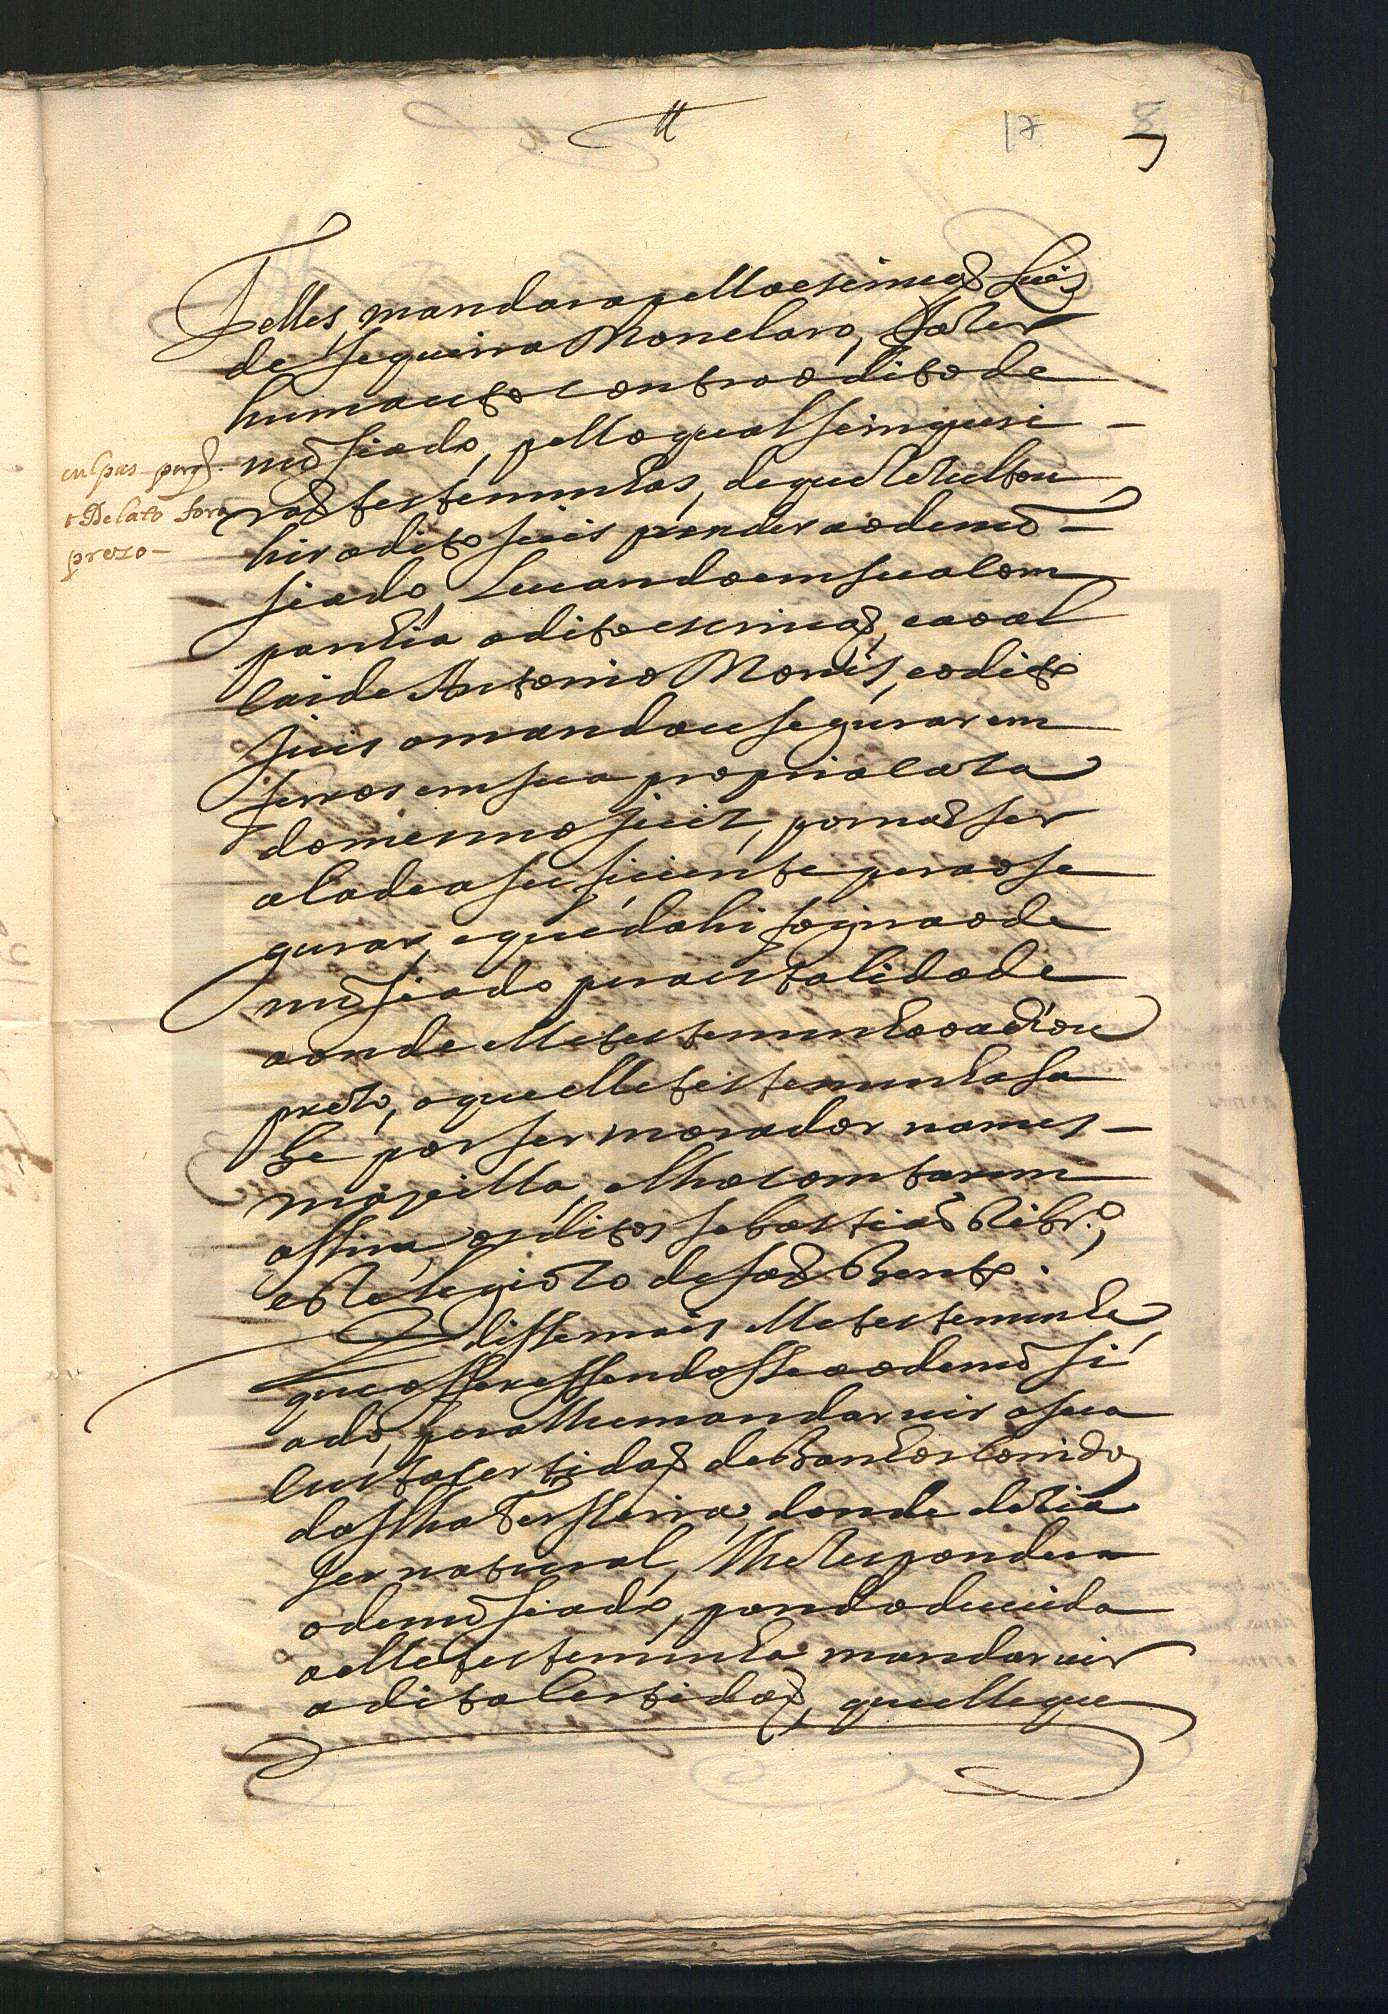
Telles mandara pello escriuaõ Luis
de sequeira Monclaro, fazer
hum auto contra o dito de
nūsiado, pello qual se inquiri
culpas por q̄
o Delato fora
prezo
raõ testemunhas, de que Rezultou
hir o dito Juis prender ao denū
siado, Leuando em sua com
panhia o dito escriuaõ e ao al
caide Antonio Monis, e o dito
Juis o mandou segurar em
ferros em sua propria caza
do mesmo Juiz por naõ ser
a Cadea suficiente pera o se
gurar, e que dahi fogira o de
nūsiado pera esta Cidade
aonde elle testemunha o achou
prezo, o que elle testemunha sa
be por ser morador na mes
ma villa, e lho comtarem
assim os ditos sebastiaõ Ribr.o,
e Religiozo de saõ Bento.
E disse mais elle testemunha
que offeressendosse ao denūsi
ado, pera lhe mandar uir a sua
custa certidaõ dos banhos corridos
da Jlha Tersseira, donde dizia
ser natural, lhe Respondera
o denūsiado, pondo duuida
a elle testemunha mandar uir
a dita Certidaõ, que elle que
